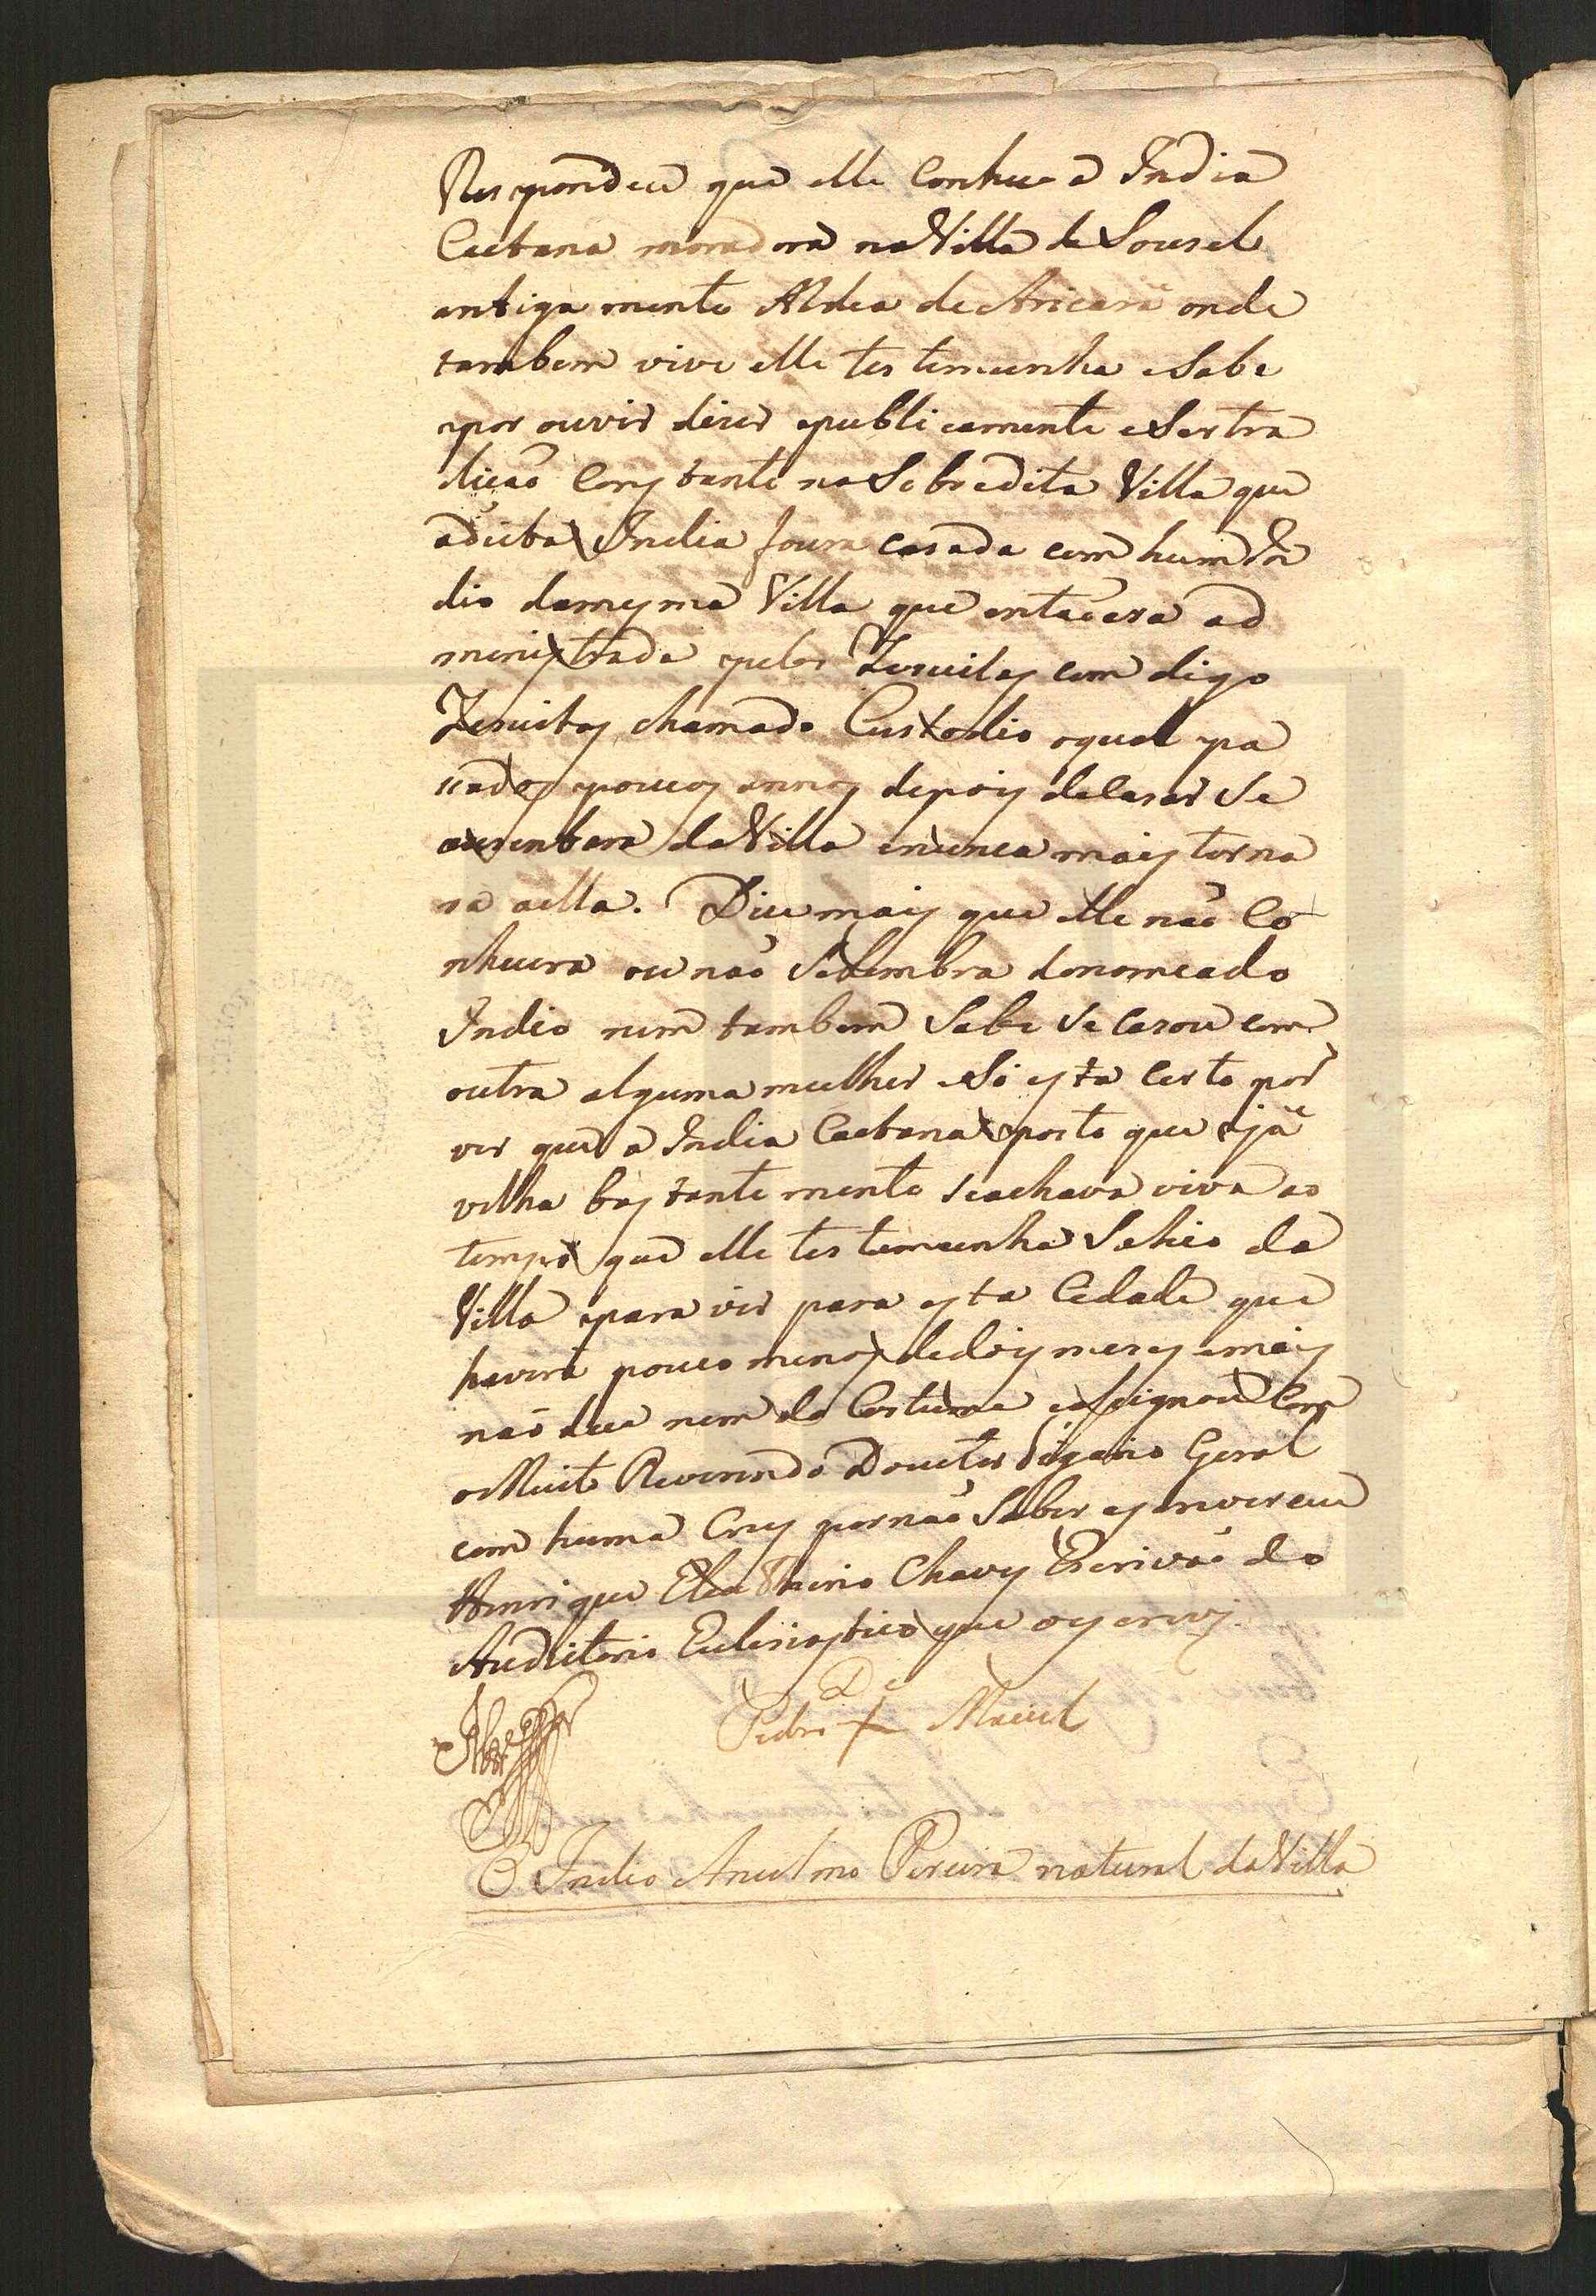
Respondeu que elle conhece a India
Caetana moradora na Villa de Sousel
antigamente Aldea de Aricarã onde
tambem vive ella testemunha e Sabe
por ouvir dizer publicamente a Ser tra
diçaõ constante na Sobredita Villa que
a dicta India foura casada com hum In
dio da mesma Villa que entaõ era ad
ministrada pelos Zesuilas com digo
Zesuitas chamado Custodio o qual pa
ssados poucos annos depois de casar se
ausentara da Villa e nunca mais torna
ra a ella. Dice mais que elle naõ Co
nhecera ou naõ Se lembra do nomeado
Indio nem tambem Sabe se cazou com
outra alguma mulher. Só esta certo por
ver que a India Caetana posto que já
velha bastantemente se achava viva ao
tempo que elle testemunha Sahio da
Villa para vir para esta Cidade que
havera pouco menos de dois mezes e mais
não dice nem do Costume e assignou com
o Muito Reverendo Doutor bigário Geral
com huma Crus por naõ Saber escreverem
Henrique Eleutherio Chaves Escrivaõ do
Audictorio Ecclesiastico que o escrevj.
De
Pedro + Maciel
O Indio Ancelmo Pereira natural da Villa
